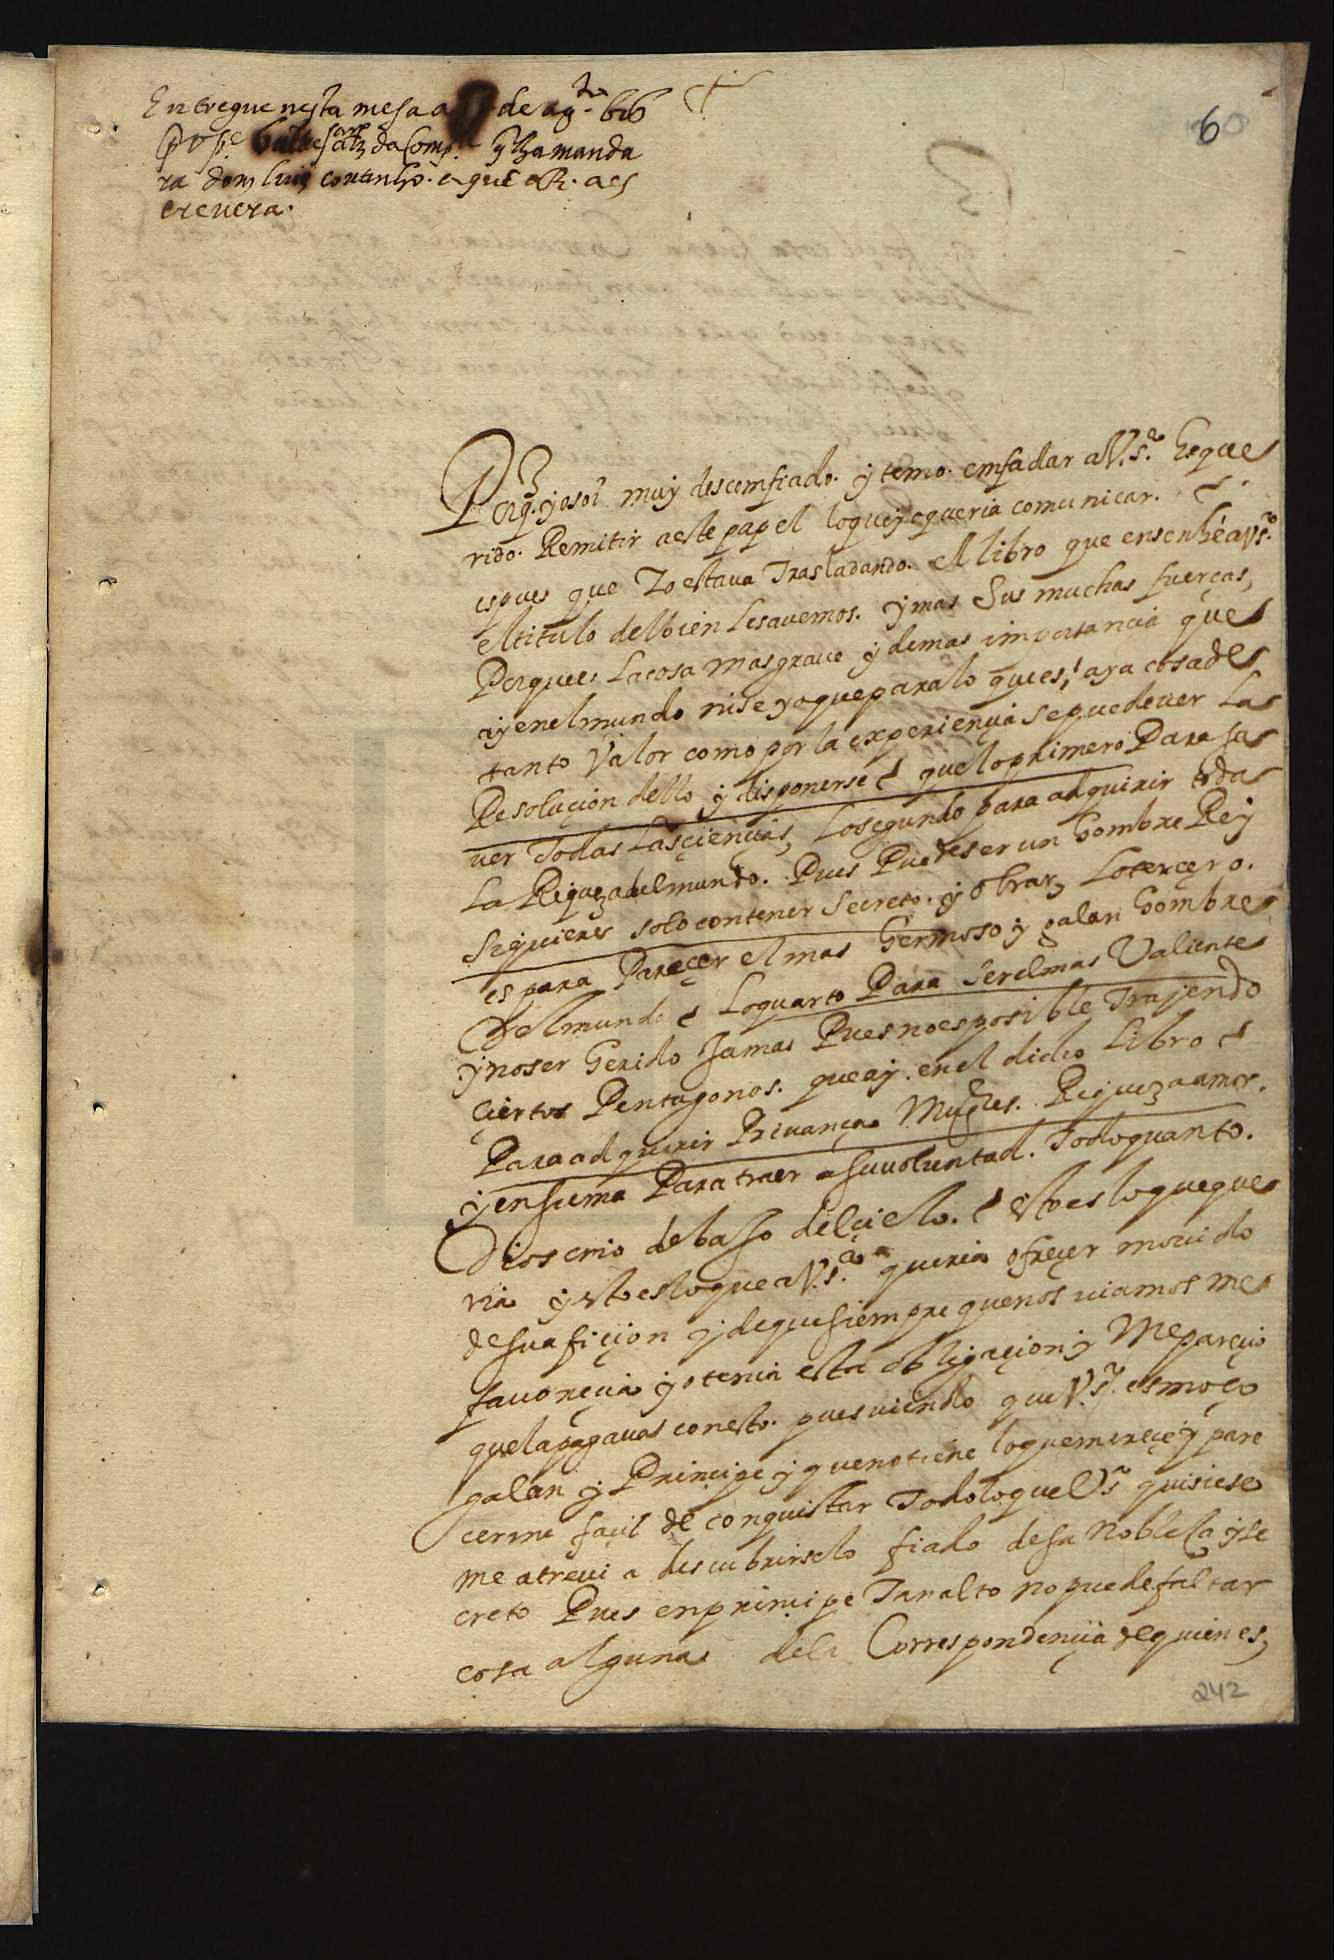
Entregue nesta mesa a _ de ag.to 616
p̄ o p.e baltesar al̄z da Comp.a q̄ lha manda
ra Dom luis coutinho a quē o R. a es
creuera.
Porq̄ yo soi muy descomfiado y temo emfadar a V. s.a he que
rido Remitir a este papel lo que yo queria comunicar.
es pues que Yo estaua trasladando el libro que ensenhé a V s.a
el titulo del bien le sauemos. y mas Sus muchas fuerças,
Porque es La cosa mas graue, y de mas importancia que
ay nel mundo ni se ya que para lo que es, aya cosa de
tanto Valor como por la experiencia se puede de uer la
Resolucion dello y disponerse que lo primero Para sa
uer Todas las ciencias, lo segundo para adquirir toda
la Riqueza del mundo. Pues Puede ser un hombre Rey
Si quiere solo con tener secreto. y obrar, Lo tercero
es para Parecer al mas hermoso y galan hombre
Del mundo. Lo quarto Para ser el mas Valiente
y no ser herido Jamas Pues no es posible Trajendo
ciertos Pentagonos. que ay en el dicho libro.
Para adquirir Priuança Mugeres Riqueza amor.
y en suma Para traer a su uoluntad. Todo quanto.
Dios crio debaJo del cielo. esto es lo que que
ria y esto es lo que a V s.a queria ofrecer mouido
de su aficion y de que siempre que nos uiamos me
fauorecia y o tenia esta obligacion y Me parecio
que la pagaua con esto. pues uiendo que V. s.a es moço
galan y Principe y que no tiene lo que merece y pare
cerme facil de conquistar Todo lo que Vsa quisiese
me atreui a descubrirselo fiado de su nobleza y se
creto Pues en principe Tan alto no puede faltar
cosa alguna de la Correspondencia de quien es,
